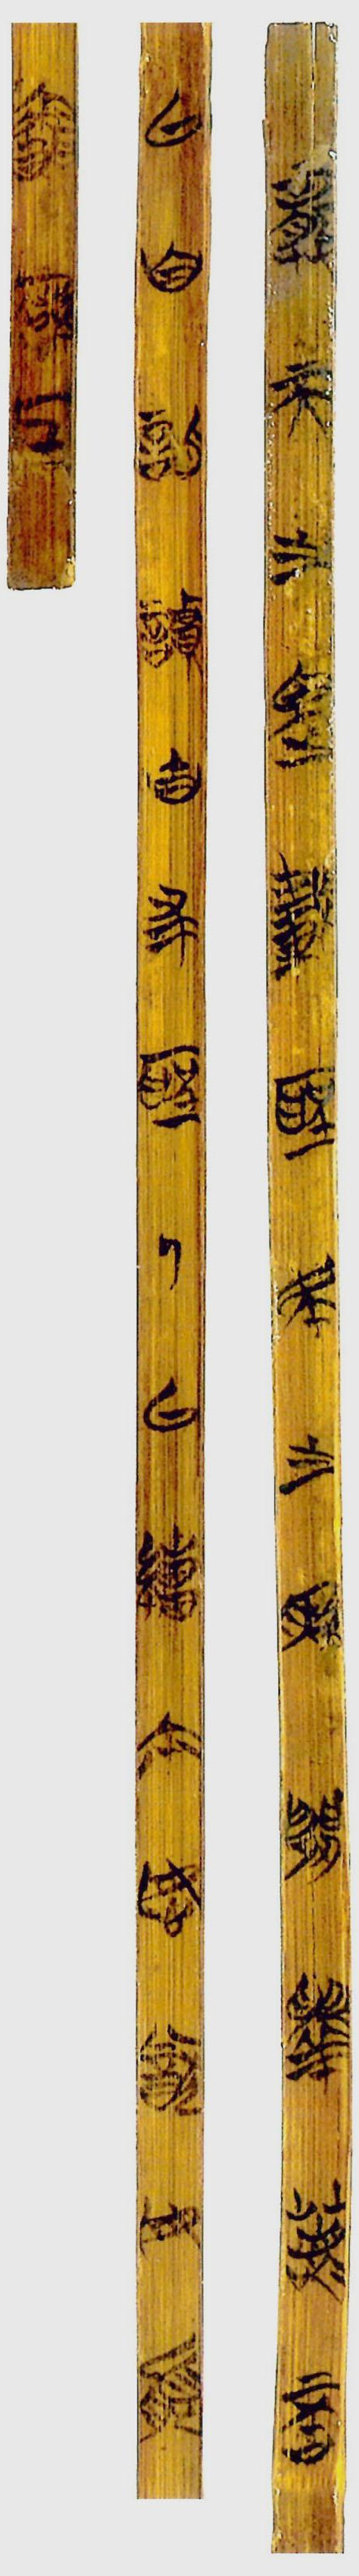龏天之畏載聖民之䌛{門夕刀}鬲{艹若}否㠯（以）自訿䜋由求聖人㠯（以）{糸東田}尔悔（謀）猶母{肉頁}䎽䌛厇
